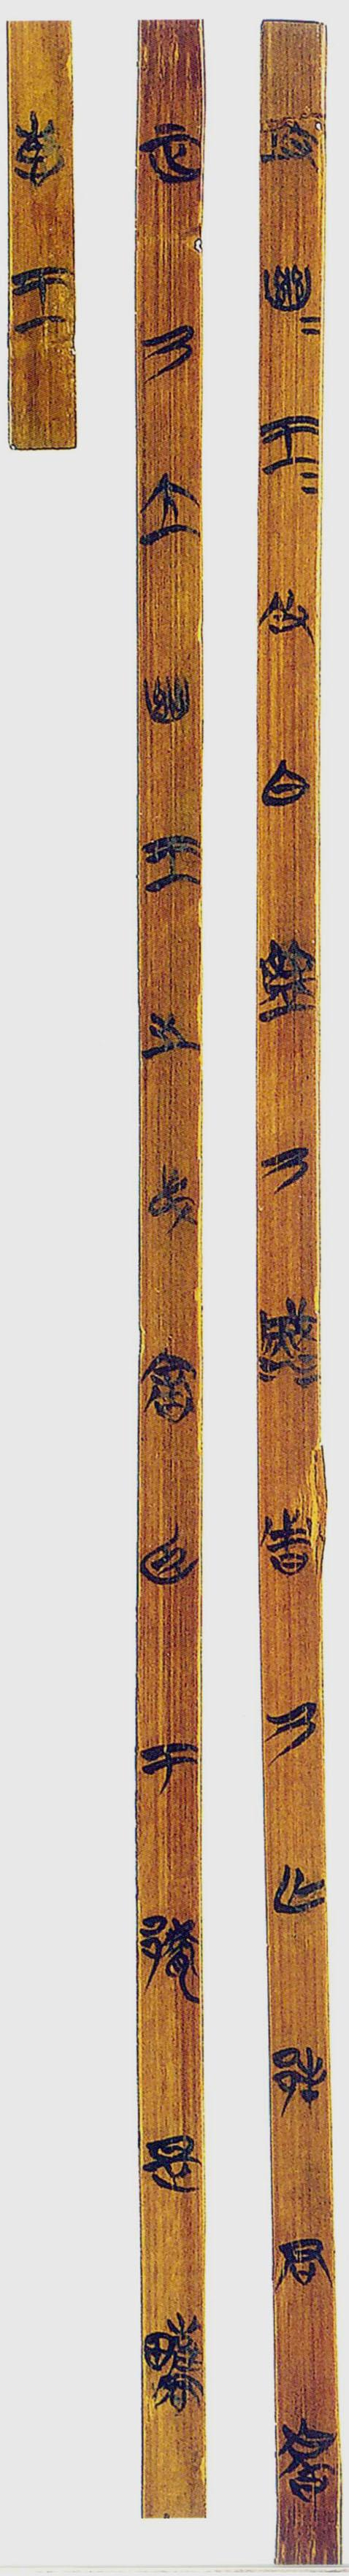攻幽=王=及白盤乃滅周乃亡邦君者正乃立幽王之弟{余口}臣于{邑寽虎}是{田巂}惠王
